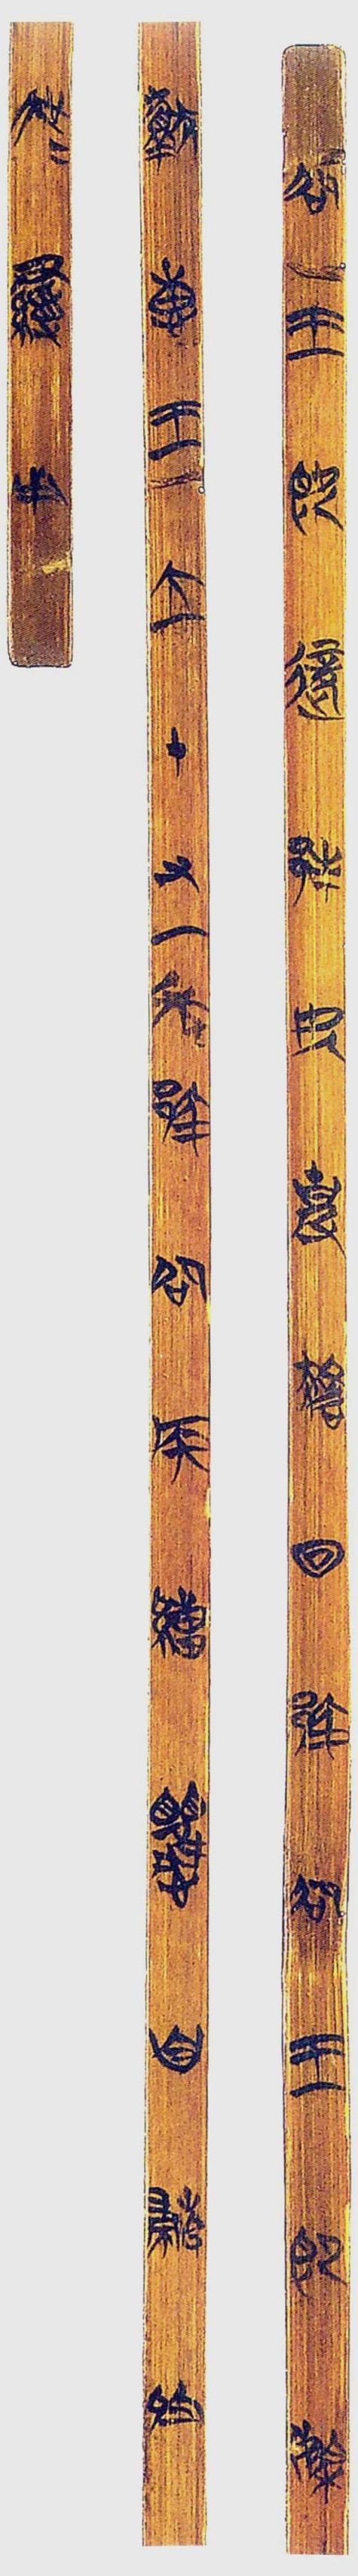卲王既復邦𡚦尅{害夫}回○（蔡）卲王即殜獻惠王立十又一年○（蔡）卲侯{糸東田}懼自{𡴎帚}於吳=縵用
